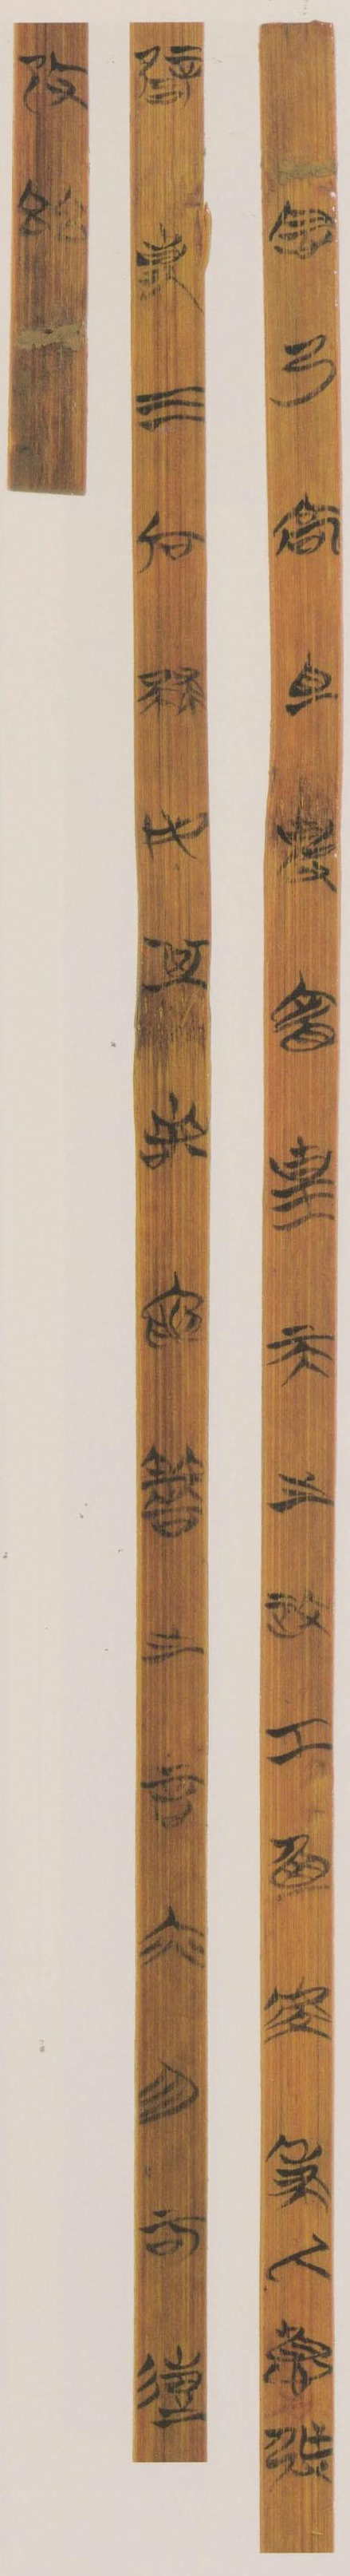念乃高且尅{𫲸目}皇天之政工廼虔秉氒惪{人乍又}辟事三后{㣇聿}女𠀠若龜{竹巫口}之言亦勿可{辶叀}改𢆶
